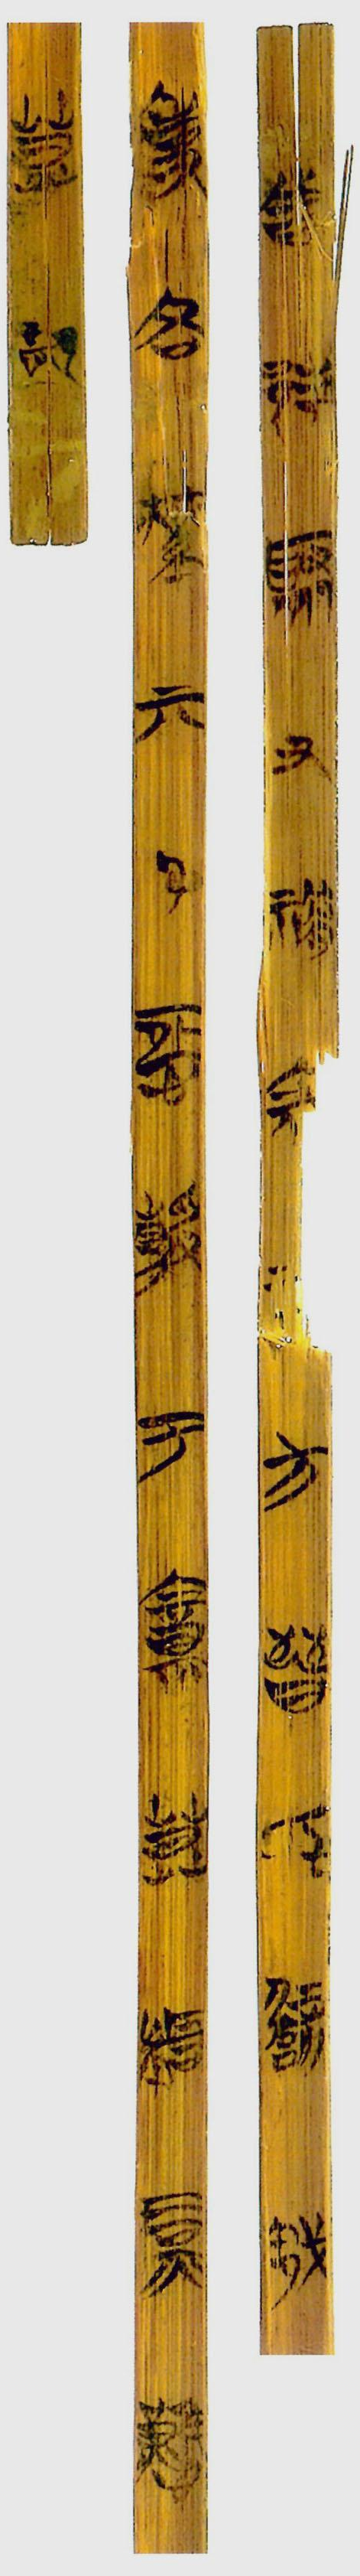周邦聚又禍{完戈}戎方晉氒辟{午卩戈}事各縈亓身{亙心}靜于{富示}莫紿庶戁（難）莫卹
